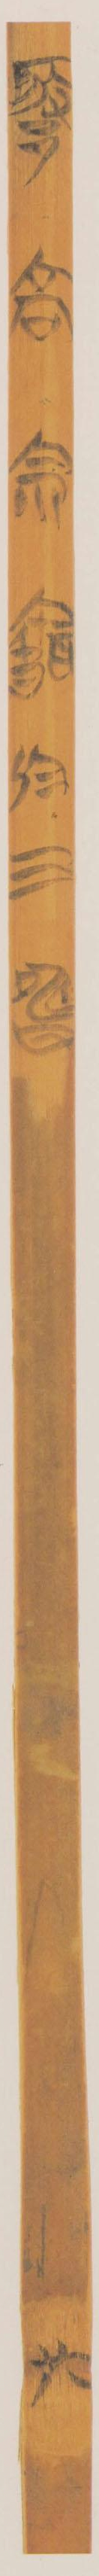{殷邑}高宗{尒䎽}於三𠷎{廿八}
